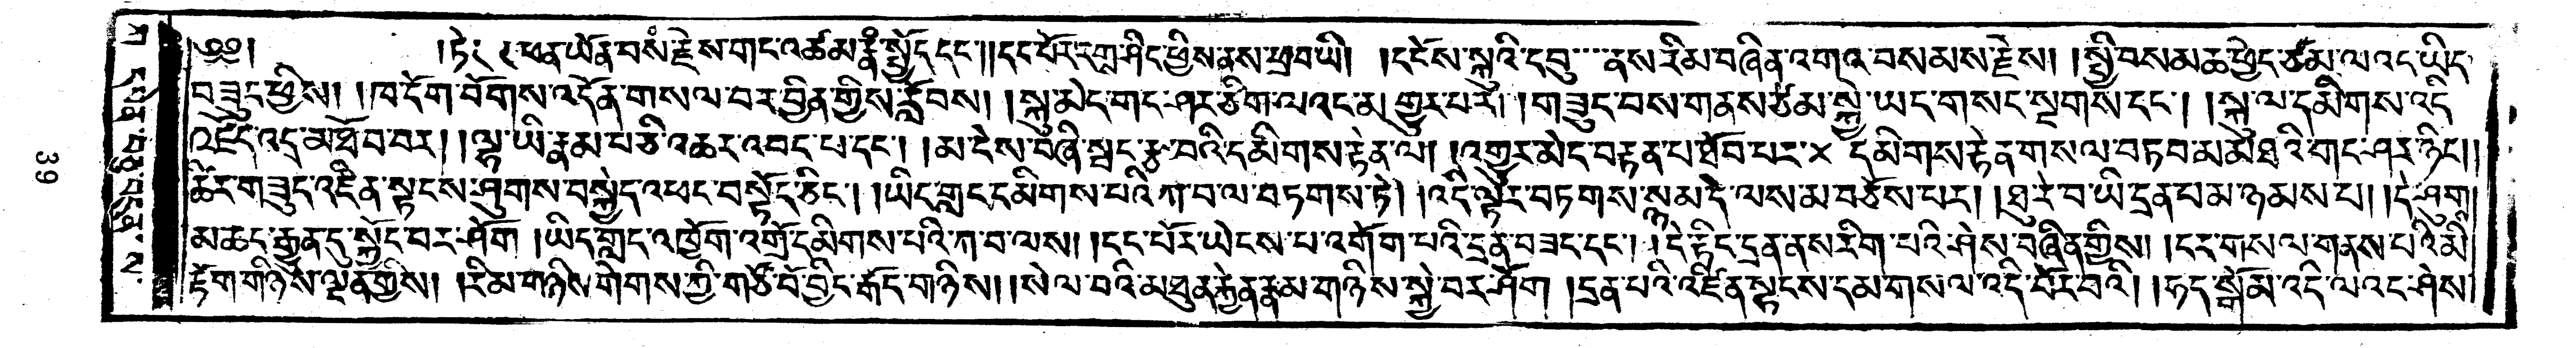༄༅། །ཏེ༑ །ཕན་ཡོན་བསཾ་རྗེས་གང་འཚམ་རྣཾ་སྤྱོད་དང་། །དང་པོར་རགས་ཤིང་ཕྱིས་ནས་ཕྲབ་ཡི། །དངོས་སྐུའི་དབུ་ནས་རིམ་བཞིན་འགའ་བསམས་རྗེས། །སྤྱི་བསམ་ཆ་ཕྱེད་ཙམ་ལའང་ཡིད་
བཟུང་ཕྱིས། །ཁ་དོག་བོགས་འདོན་གསལ་བར་བྱིན་གྱིས་རློབས། །སྐུ་མེད་གང་ཤར་ཅིག་ལའང་མ་གྱུར་པར། །གཟུང་བས་གནས་ཙམ་སྐྱེ་ཡང་གསང་སྔགས་དང་། །སྐུ་ལ་དམིགས་འདི་
འཛོད་འདྲ་མ་ཐོབ་བར། །ལྷ་ཡི་རྣམ་པ་ཅི་འཆར་འབང་པ་དང་། །མ་ངེས་བཞི་སྤང་རྩ་བའི་དམིགས་རྟེན་ལ། །འགྱུར་མེད་བརྟན་པ་ཐོབ་པར་྾་དམིགས་རྟེན་གསལ་བཏབ་མ་མཐའི་གང་ཤར་ཉིང།།
ཚིར་གཟུང་འཛིན་སྟངས་ཤུགས་བསྐྱེད་འཕང་བསྟོད་ཅིང་། །ཡིང་གླང་དམིགས་པའི་ཀ་བ་ལ་བཏགས་ཏེ། །འདི་ལྟར་བཏགས་སྙམ་དེ་ལས་མ་བཅོས་པར། །ཐུ་རེ་བ་ཡི་དྲན་པ་མ་ཉམས་པ། །དེ་ཤུགས།
མ་ཆད་རྒྱུན་དུ་སྐྱོང་བར་ཤོག །ཡིད་གླང་འཁྱོག་འགྲོ་དམིགས་པའི་ཀ་བ་ལས། །དང་པོར་ཡེངས་པ་འགོག་པའི་དྲན་བཟང་དང་། །དེ་རྟིང་དྲན་ནས་རིག་པའི་ཤེས་བཞིན་གྱིས། །ངར་གསལ་གནས་པའི་མི་
རྟོག་གཉིས་ལྡན་གྱིས། །རིམ་གཉིས་གེགས་ཀྱི་གཙོ་བོ་བྱིང་རྒོད་གཉིས། །སེལ་བའི་མཐུན་རྐྱེན་རྣམ་གཉིས་སྐྱེ་བར་ཤོག །དྲན་པའི་འཛིན་སྟངས་དམ་གསལ་འདི་བོར་བའི། །ཧད་སྒོམ་འདི་ལའང་ཤེས་